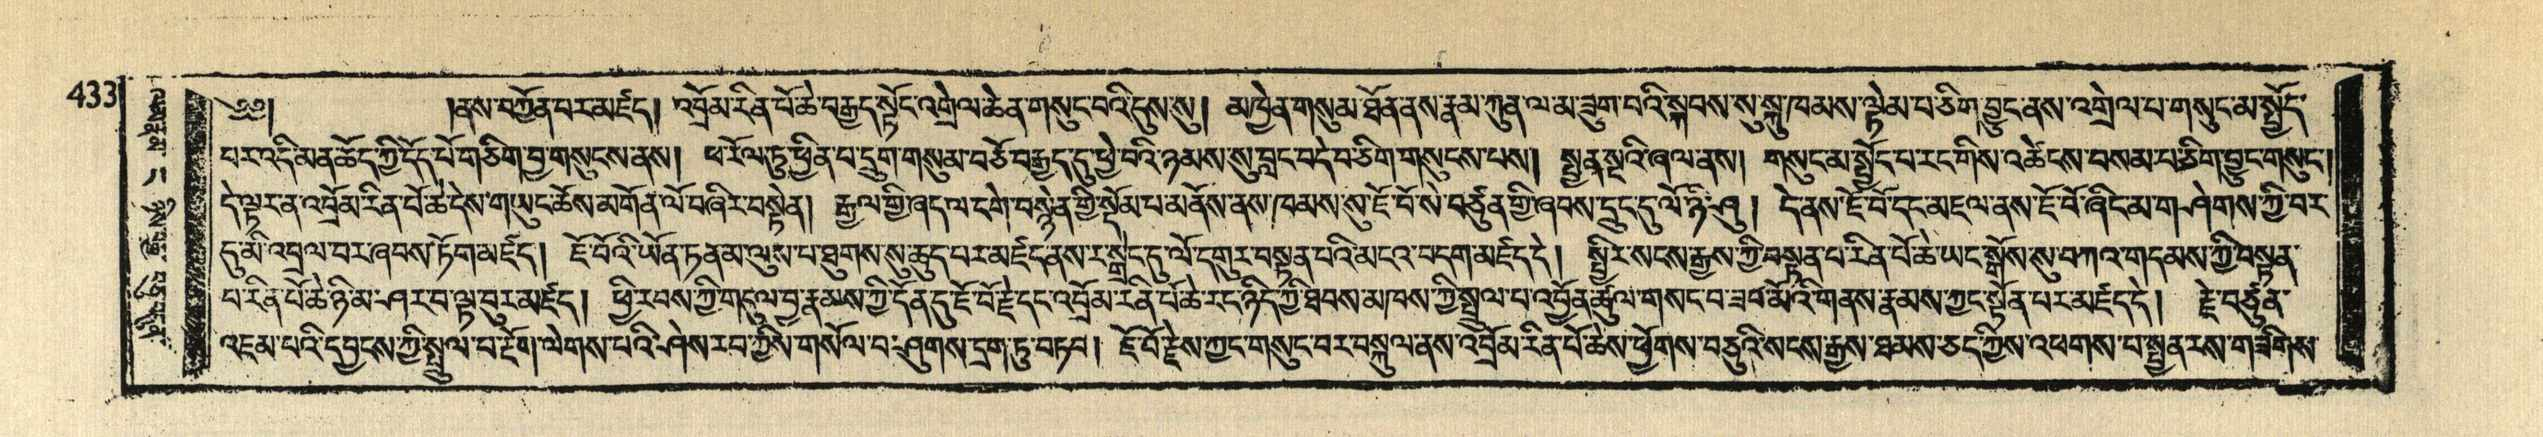༄༅། །ནས་བཀྱོན་བར་མཛད། འབྲོམ་རིན་པོ་ཆེ་བརྒྱད་སྟོང་འགྲེལ་ཆེན་གསུང་བའི་དུས་སུ། མཁྱེན་གསུམ་ཐོན་ནས་རྣམ་ཀུན་ལ་མ་ཟུག་བའི་སྐབས་སུ་སྐུ་ཁམས་ལྟེམ་པ་ཅིག་བྱུང་ནས་འགྲེལ་པ་གསུང་མ་སྤྱོད་
པར་འདི་མན་ཆོད་ཀྱི་དོད་པོ་གཅིག་བྱ་གསུངས་ནས། ཕ་རོལ་ཏུ་ཕྱིན་པ་དྲུག་གསུམ་བཅོ་བརྒྱད་དུ་ཕྱེ་བའི་ཉམས་སུ་བླང་བདེ་བ་ཅིག་གསུངས་པས། སྤྱན་སྔའི་ཞལ་ནས། གསུང་མ་སྤྱོད་པ་རང་གིས་འཚེངས་བསམ་པ་ཅིག་བྱུང་གསུང་།
དེ་ལྟར་ན་འབྲོམ་རིན་པོ་ཆེ་དེས་གཡུང་ཆོས་མགོན་ལོ་བཞིར་བསྟེན། རྒྱལ་གྱི་ཞད་ལ་དགེ་བསྙེན་གྱི་སྡོམ་པ་མནོས་ནས་ཁམས་སུ་ཇོ་བོ་སེ་བཙུན་གྱི་ཞབས་དྲུང་དུ་ལོ་ཉི་ཤུ། དེ་ནས་ཇོ་བོ་དང་མཇལ་ནས་ཇོ་བོ་ཞིང་མ་གཤེགས་ཀྱི་བར་
དུ་མི་འབྲལ་བར་ཞབས་ཏོག་མཛད། ཇོ་བོའི་ཡོན་ཏན་མ་ལུས་པ་ཐུགས་སུ་ཆུད་པར་མཛད་ནས་ར་སྒྲེང་དུ་ལོ་དགུར་བསྟན་པའི་མངའ་བདག་མཛད་དེ། སྤྱིར་སངས་རྒྱས་ཀྱི་བསྟན་པ་རིན་པོ་ཆེ་ཡང་སྒོས་སུ་བཀའ་གདམས་ཀྱི་བསྟན་
པ་རིན་པོ་ཆེ་ཉི་མ་ཤར་བ་ལྟ་བུར་མཛད། ཕྱི་རབས་ཀྱི་གདུལ་བྱ་རྣམས་ཀྱི་དོན་དུ་ཇོ་བོ་རྗེ་དང་འབྲོམ་རིན་པོ་ཆེ་རང་ཉིད་ཀྱི་ཐབས་མཁས་ཀྱི་སྤྲུལ་པ་འབྱོན་ཚུལ་གསང་བ་ཟབ་མོའི་གནས་རྣམས་ཀྱང་སྟོན་པར་མཛད་དེ། རྗེ་བཙུན་
འཇམ་པའི་དབྱངས་ཀྱི་སྤྲུལ་པ་རྡོག་ལེགས་པའི་ཤེས་རབ་ཀྱི་གསོལ་བ་ཤུགས་དྲག་ཏུ་བཏབ། ཇོ་བོ་རྗེས་ཀྱང་གསུང་བར་བསྐུལ་ནས་འབྲོམ་རིན་པོ་ཆེས་ཕྱོགས་བཅུའི་སངས་རྒྱས་ཐམས་ཅད་ཀྱིས་འཕགས་པ་སྤྱན་རས་གཟིགས་